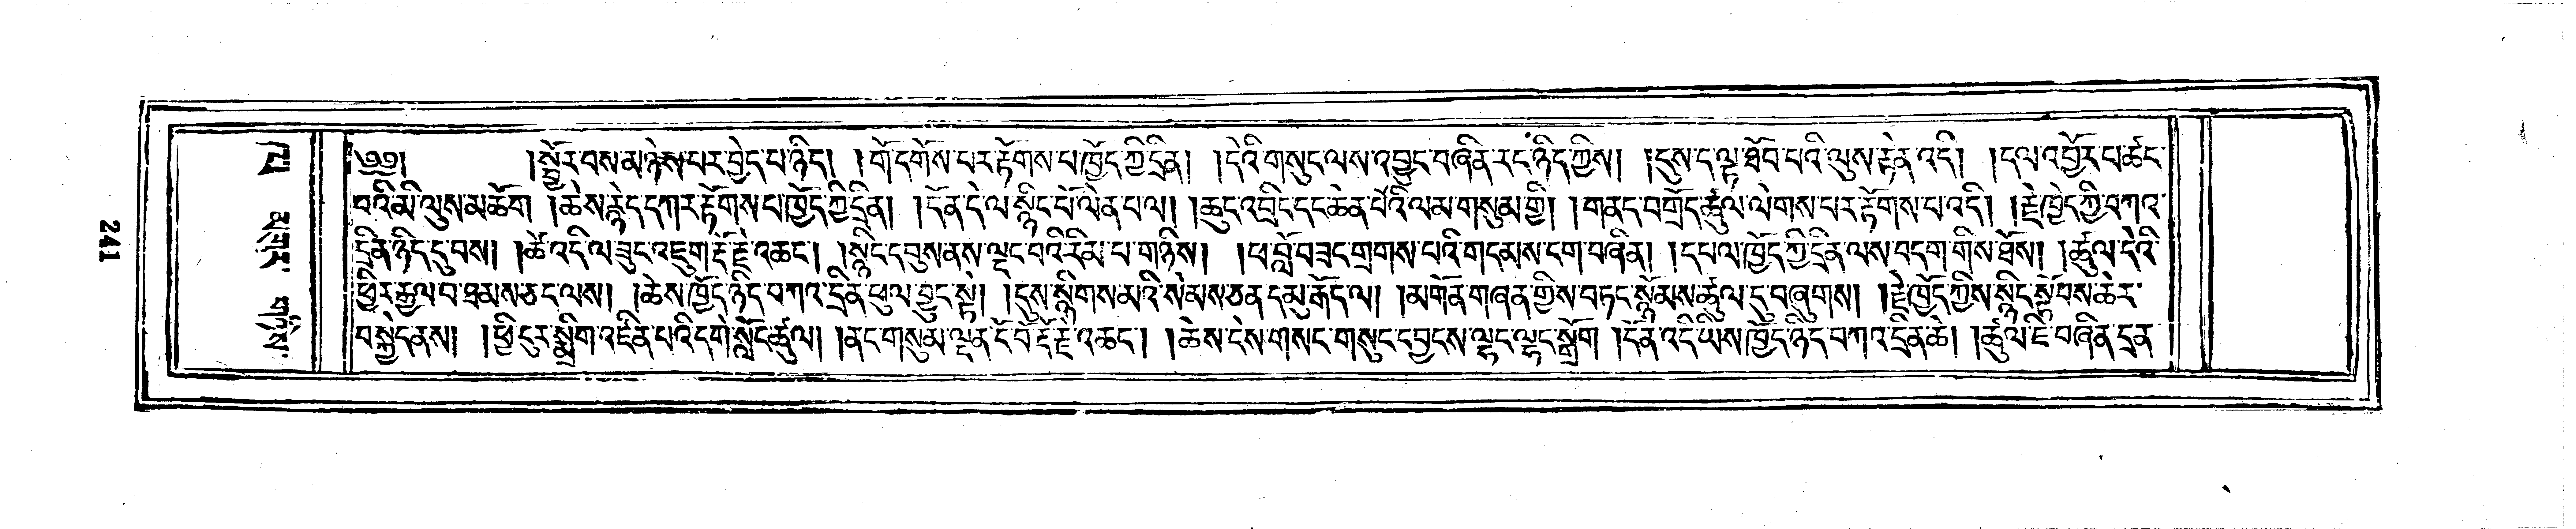༄༅། །སྦྱོར་བས་མཉེས་པར་བྱེད་པ་ཉིད། །གོ་དགོས་པར་རྟོགས་པ་ཁྱོད་ཀྱི་དྲིན། །དེའི་གསུང་ལས་འབྱུང་བཞིན་རང་ཉིད་ཀྱིས། །དུས་ད་ལྟ་ཐོབ་པའི་ལུས་རྟེན་འདི། །དལ་འབྱོར་པ་ཚང་
བའི་མི་ལུས་མཆོག །ཆེས་རྙེད་དཀར་རྟོགས་པ་ཁྱོད་ཀྱི་དྲིན། །དོན་དེ་ལ་སྙིང་པོ་ལེན་པ་ལ། །ཆུང་འབྲིང་དང་ཆེན་པོའི་ལམ་གསུམ་གྱི། །གནད་བགྲོད་ཚུལ་ལེགས་པར་རྟོགས་པ་འདི། །རྗེ་ཁྱེད་ཀྱི་བཀའ་
དྲིན་ཉིད་དུ་བས། །ཚེ་འདི་ལ་ཟུང་འཇུག་རྡོ་རྗེ་འཆང་། །སྙིང་དབུས་ནས་ལྡང་བའི་རིམ་པ་གཉིས། །ཕ་བློ་བཟང་གྲགས་པའི་གདམས་ངག་བཞིན། །དཔལ་ཁྱོད་ཀྱི་དྲིན་ལས་བདག་གིས་ཐོས། །ཚུལ་དེའི་
ཕྱིར་རྒྱལ་བ་ཐམས་ཅད་ལས། །ཆེས་ཁྱོད་ཉིད་བཀའ་དྲིན་ཕུལ་བྱུང་སྟེ། །དུས་སྙིགས་མའི་སེམས་ཅན་དམུ་རྒོད་ལ། །མགོན་གཞན་གྱིས་བཏང་སྙོམས་ཚུལ་དུ་བཞུགས། །རྗེ་ཁྱོད་ཀྱིས་སྙིང་སྟོབས་ཆེར་
བསྐྱེད་ནས། །ཕྱི་དུར་སྨྲིག་འཛིན་པའི་དགེ་སློང་ཚུལ། །ནང་གསུམ་ལྡན་ངོ་བོ་རྡོ་རྗེ་འཆང་། །ཆེས་ངེས་གསང་གསུང་དབྱངས་ལྷད་ལྷད་སྒྲོག །དོན་འདི་ཡིས་ཁྱོད་ཉིད་བཀའ་དྲིན་ཆེ། །ཚུལ་ཇི་བཞིན་དྲན་